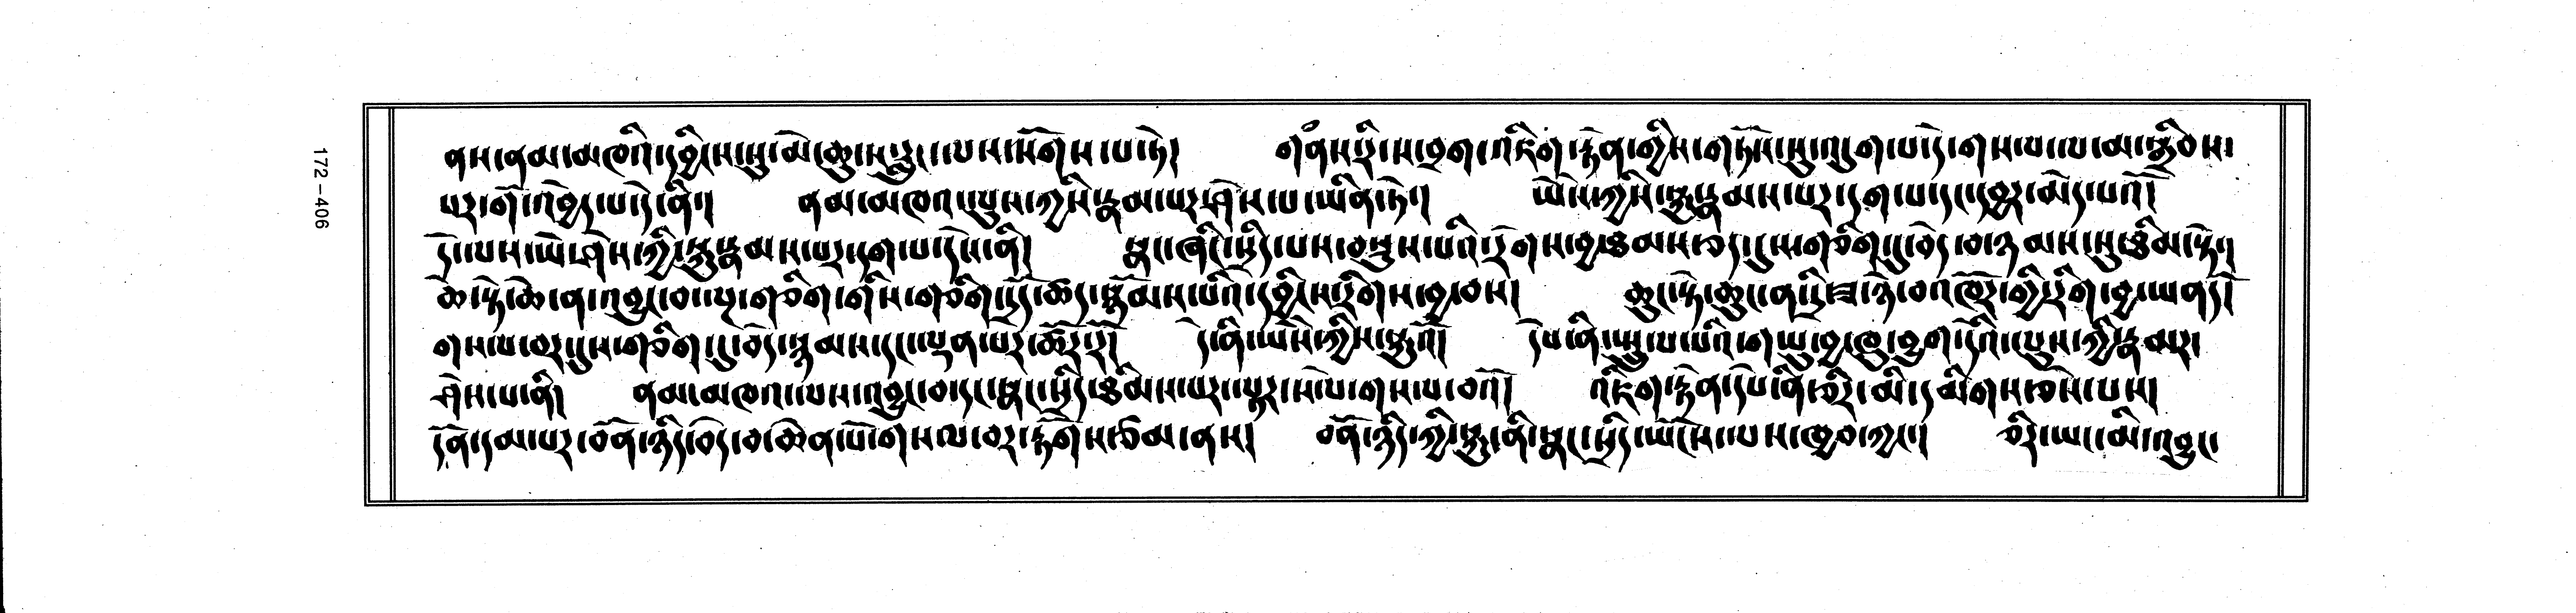ནམ་མཁའི་དབྱིངས་སུ་མེ་ཆུ་ས་རླུང་ལས་སོགས་པ་ཏེ། གནམ་རི་ས་བྲག་འཇིག་རྟེན་གྱིས་གཏོས་སུ་འདུག་པ་དེ་གསལ་ལ་མ་སྒྲིབས་
པར་གོ་འབྱེད་པ་དེ་ནི། ནམ་མཁའ་ལུས་ཀྱིས་རྣམ་པར་ཤེས་པ་ཡིན་ཏེ། ཡེ་ཤེས་ཀྱིས་སྐུ་རྣམ་པར་དག་པ་དང་དབྱེར་མེད་པའོ། 
དེ་ལས་ཡེ་ཤེས་ཀྱི་སྐུ་རྣམ་པར་དག་པ་དེས་ནི། སྣང་ཞིང་སྲིད་པས་བསྡུས་པའི་རེག་བྱ་ཐམས་ཅད་དུས་གཅིག་དུ་བདེ་བ་ཉམས་སུ་ཐིམ་སྟེ། 
ཆེ་སྟེ་ཆེ་ན་འབྱུང་བ་ལྔ་གཅིག་གིས་གཅིག་དྲོད་ཚད་སྙོམས་པའི་དབྱིངས་རིག་བྱ་བས། ཆུང་སྟེ་ཆུང་ན་དྲི་ཟ་ཉེ་བ་འཁོར་གྱི་རིག་བྱ་ཡན་ཆད་དོ། 
གསལ་བར་དུས་གཅིག་དུ་བདེ་སྙམས་དང་ལྡན་པར་ཚོར་རོ། དེ་ནི་ཡེ་ཤེས་ཀྱིས་སྐུའོ། དཔེ་ནི་སྤྲུལ་པའི་གཡུ་བྱ་ཁུ་བྱུག་དེའི་ལུས་ཀྱི་རྣམ་པར་
ཤེས་པ་ནི། ནམ་མཁའ་ལས་འབྱུང་བ་དང་སྣང་སྲིད་ཐིམས་པར་ལྟར་ས་ལེ་གསལ་བའོ། འཇིག་རྟེན་དཔེ་ནི་ཅིར་མི་དམིགས་ཅེས་པས། 
དོན་དམ་པར་བོན་ཉིད་བདེ་བ་ཆེན་པོ་གསལ་བར་རྟོགས་ཙམ་ནས། བོན་ཉིད་ཀྱི་སྐུ་ནི་སྣང་སྲིད་ཡོངས་ལས་ཁྱབ་ཀྱང་། ཅིར་ཡང་མི་འབྱུང་